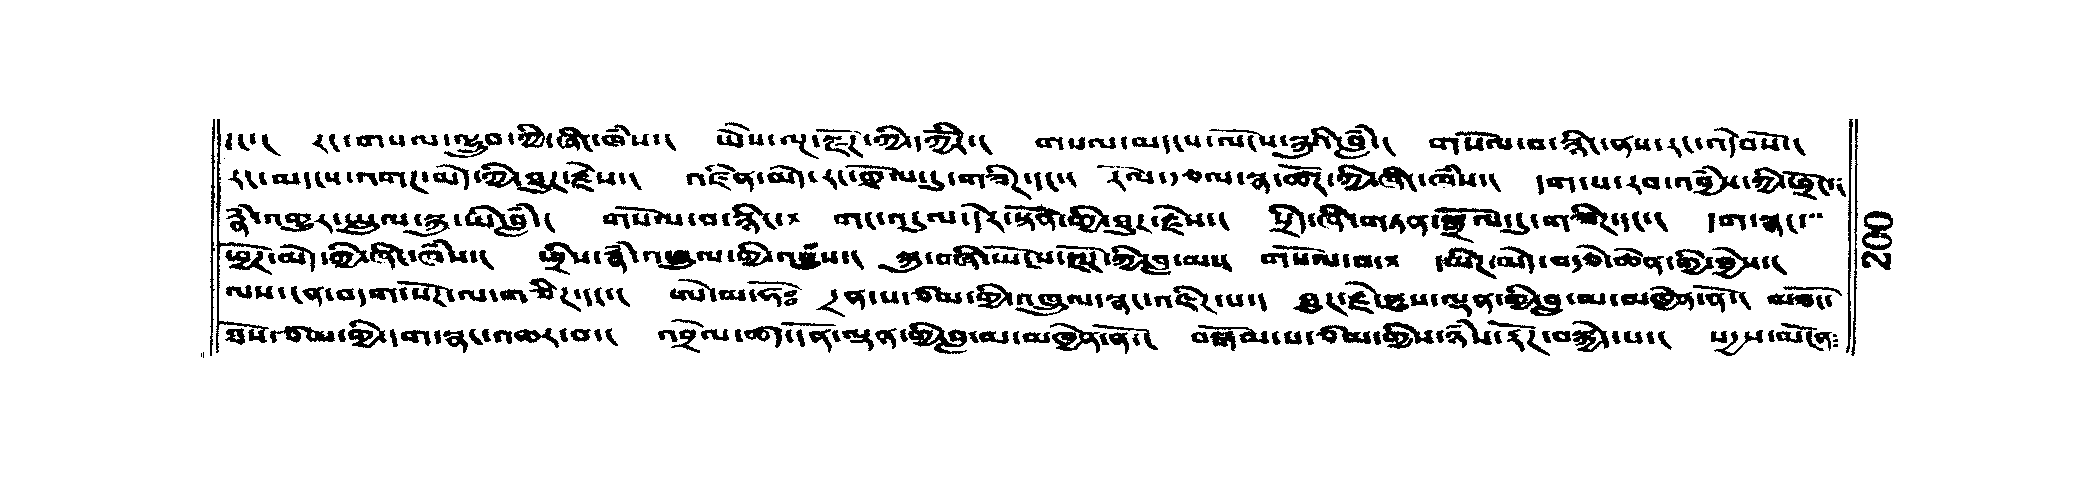དང་། །རང་གསལ་ལྷུན་གྲུབ་ཀྱི་ཞིང་ཁམས། །ཡེ་ཤེས་ལྔ་རྫོགས་ཀྱི་དཀྱིལ་འཁོར། །གསལ་མདངས་ལོངས་སྐུ་ཡི་བླ་མ། །གསོལ་བ་སྙིང་ནས་རང་འདེབས་སོ། །
རང་མདངས་འགགས་མེད་ཀྱི་ཐུགས་རྗེས། །འཛིན་མེད་རང་གྲོལ་དུ་གཟིགས་དང་། །རོལ་རྩལ་སྣ་ཚོགས་ཀྱི་ཞིང་ཁམས། །དག་པ་རབ་འབྱམས་ཀྱི་ཕོ་བྲང་། །
རྣམ་འགྱུར་སྤྲུལ་སྐུ་ཡི་བླ་མ། །གསོལ་བ་སྙིང༴།གང་འདུལ་དེར་སྟོན་གྱི་ཐུགས་རྗེས། །སྲིད་ཞི་གཏན་སྒྲོལ་དུ་གཟིགས་དང་། །དག་སྣང་
ཕྱོགས་མེད་ཀྱི་ཞིང་ཁམས། །ཕྲིན་ལས་རྣམ་འཕྲུལ་གྱི་འབྱུང་གནས། །སྐུ་བཞི་ཡོངས་རྫོགས་ཀྱི་བླ་མ། །གསོལ་བ༴ །དམིགས་མེད་བརྩེ་ཆེན་གྱི་ཐུགས་རྗེས། །
ལས་ངན་བདག་སོགས་ལ་གཟིགས་དང་། ཨེ་མ་ཧོཿ དྲན་པ་ཙམ་གྱི་འཁྲུལ་སྣང་འཇིགས་པ། །ཐུགས་རྗེ་ནུས་ལྡན་གྱི་བླ་མ་མཁྱེན་ནོ། །མཐོང་
ཐོས་ཙམ་གྱི་དག་སྣང་འཆར་བ། །འབྲེལ་ཚད་དོན་ལྡན་གྱི་བླ་མ་མཁྱེན་ནོ། བསྒོམ་པ་ཙམ་གྱིས་ཉམས་རྟོགས་བསྐྱེད་པ། །སངས་རྒྱས་མངོན་